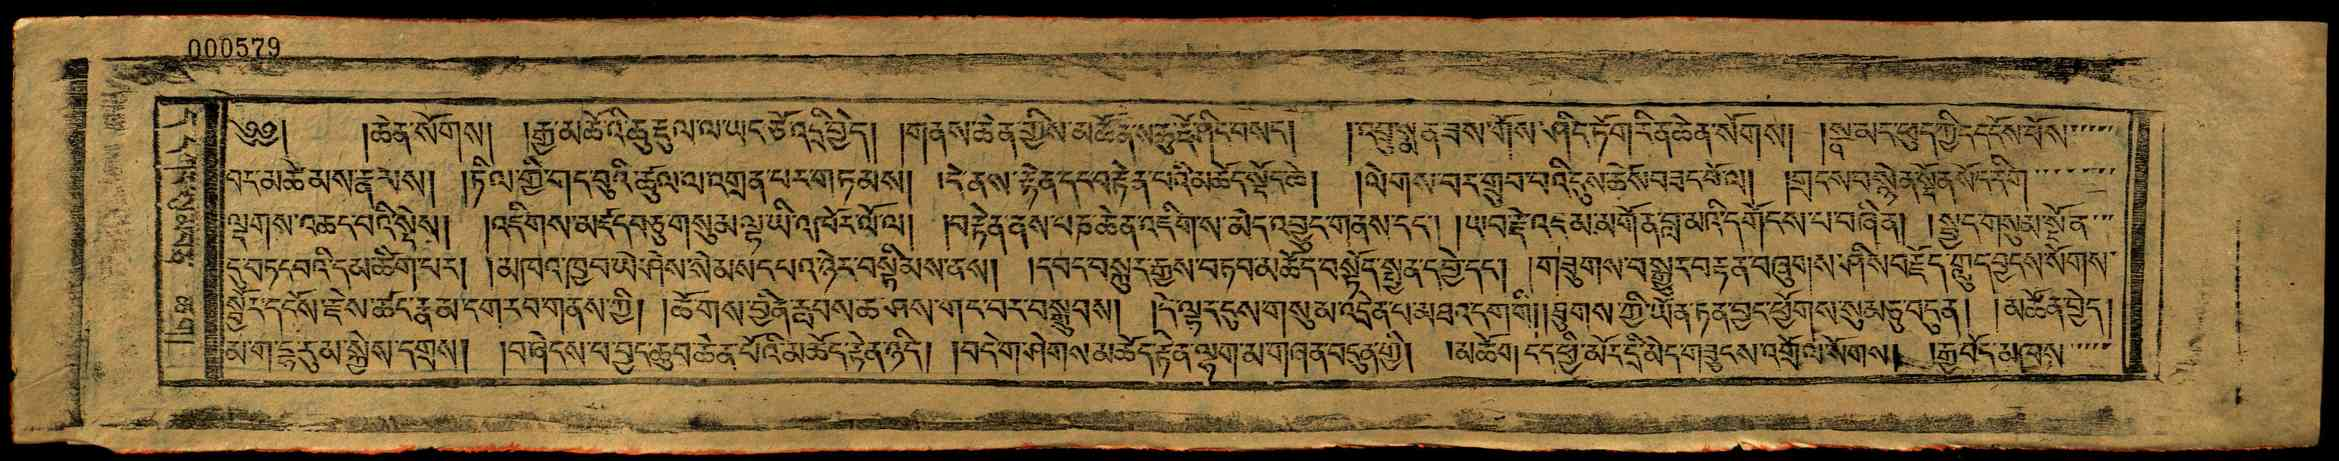༄༅། །ཆེན་སོགས། །རྒྱ་མཚོའི་ཆུ་རྡུལ་ལ་ཡང་ཅོ་འདྲི་བྱེད། །གནས་ཆེན་གྱིས་མཚོན་ས་ཆུ་རྡོ་ཤིང་བསང་། །འབྲུ་སྨན་ཟས་གོས་ཤིང་རྟོག་རིན་ཆེན་སོགས། །སྣ་མང་ཕུད་ཀྱི་དངོས་པོས་
བར་མཚམས་རྣམས། །ཏིལ་གྱི་གང་བུའི་ཚུལ་ལ་འགྲན་པར་གཏམས། །དེ་ནས་རྟེན་དང་བརྟེན་པའི་མཆོད་སྡོང་ཆེ། །ལེགས་པར་གྲུབ་པའི་དུས་ཚེས་བཟང་པོ་ལ། གྲངས་བསྙེན་སྔོན་སོང་རིག་
སྔགས་འཆད་བའི་སྡེས། །འཇིགས་མཛད་བཅུ་གསུམ་ལྷ་ཡི་འཁོར་ལོ་ལ། །བརྟེན་ནས་པཎ་ཆེན་འཇིགས་མེད་འབྱུང་གནས་དང་། །ཡབ་རྗེ་འཇམ་མགོན་བླ་མའི་དགོངས་པ་བཞིན། །སྤྱང་གསུམ་སྔོན་
དུ་བཏང་བའི་དམ་ཚིག་པར། །མཁའ་ཁྱབ་ཡེ་ཤེས་སེམས་དཔའ་ཉེར་བསྟིམས་ནས། །དབང་བསྐུར་རྒྱས་བཏབ་མཆོད་སྟོད་སྤྱན་དཔྱ་དང་། །གཟུགས་བསྒྱུར་བརྟན་བཞུགས་ཤིས་བརྗོད་གླུ་དབྱངས་སོགས།།
སྦྱོར་དངོས་རྗེས་ཚད་རྣམ་དག་རབ་གནས་ཀྱི། །ཚོགས་བྱིན་རླབས་ཆ་ཤས་གང་བར་བསྒྲུབས། །དེ་ལྟར་དུས་གསུམ་འདེན་པ་མཐའ་དག་གི། །ཐུགས་ཀྱི་ཡོན་ཏན་བྱང་ཕྱོགས་སུམ་ཅུ་བདུན། །མཚོན་བྱེད་
མ་ག་ངྷ་རུ་མ་སྐྱེས་དགྲས། །བཞེངས་པ་བྱང་ཆུབ་ཆེན་པོའི་མཆོད་རྟེན་ཉིད། །བདེ་གཤེགས་མཆོད་རྟེན་ལྷག་མ་གཞན་བདུན་གྱི། །མཆོག་དང་ཕྱི་མོར་དི་མེད་གཟུངས་འགྲེལ་སོགས། །རྒྱ་བོད་མཁས་